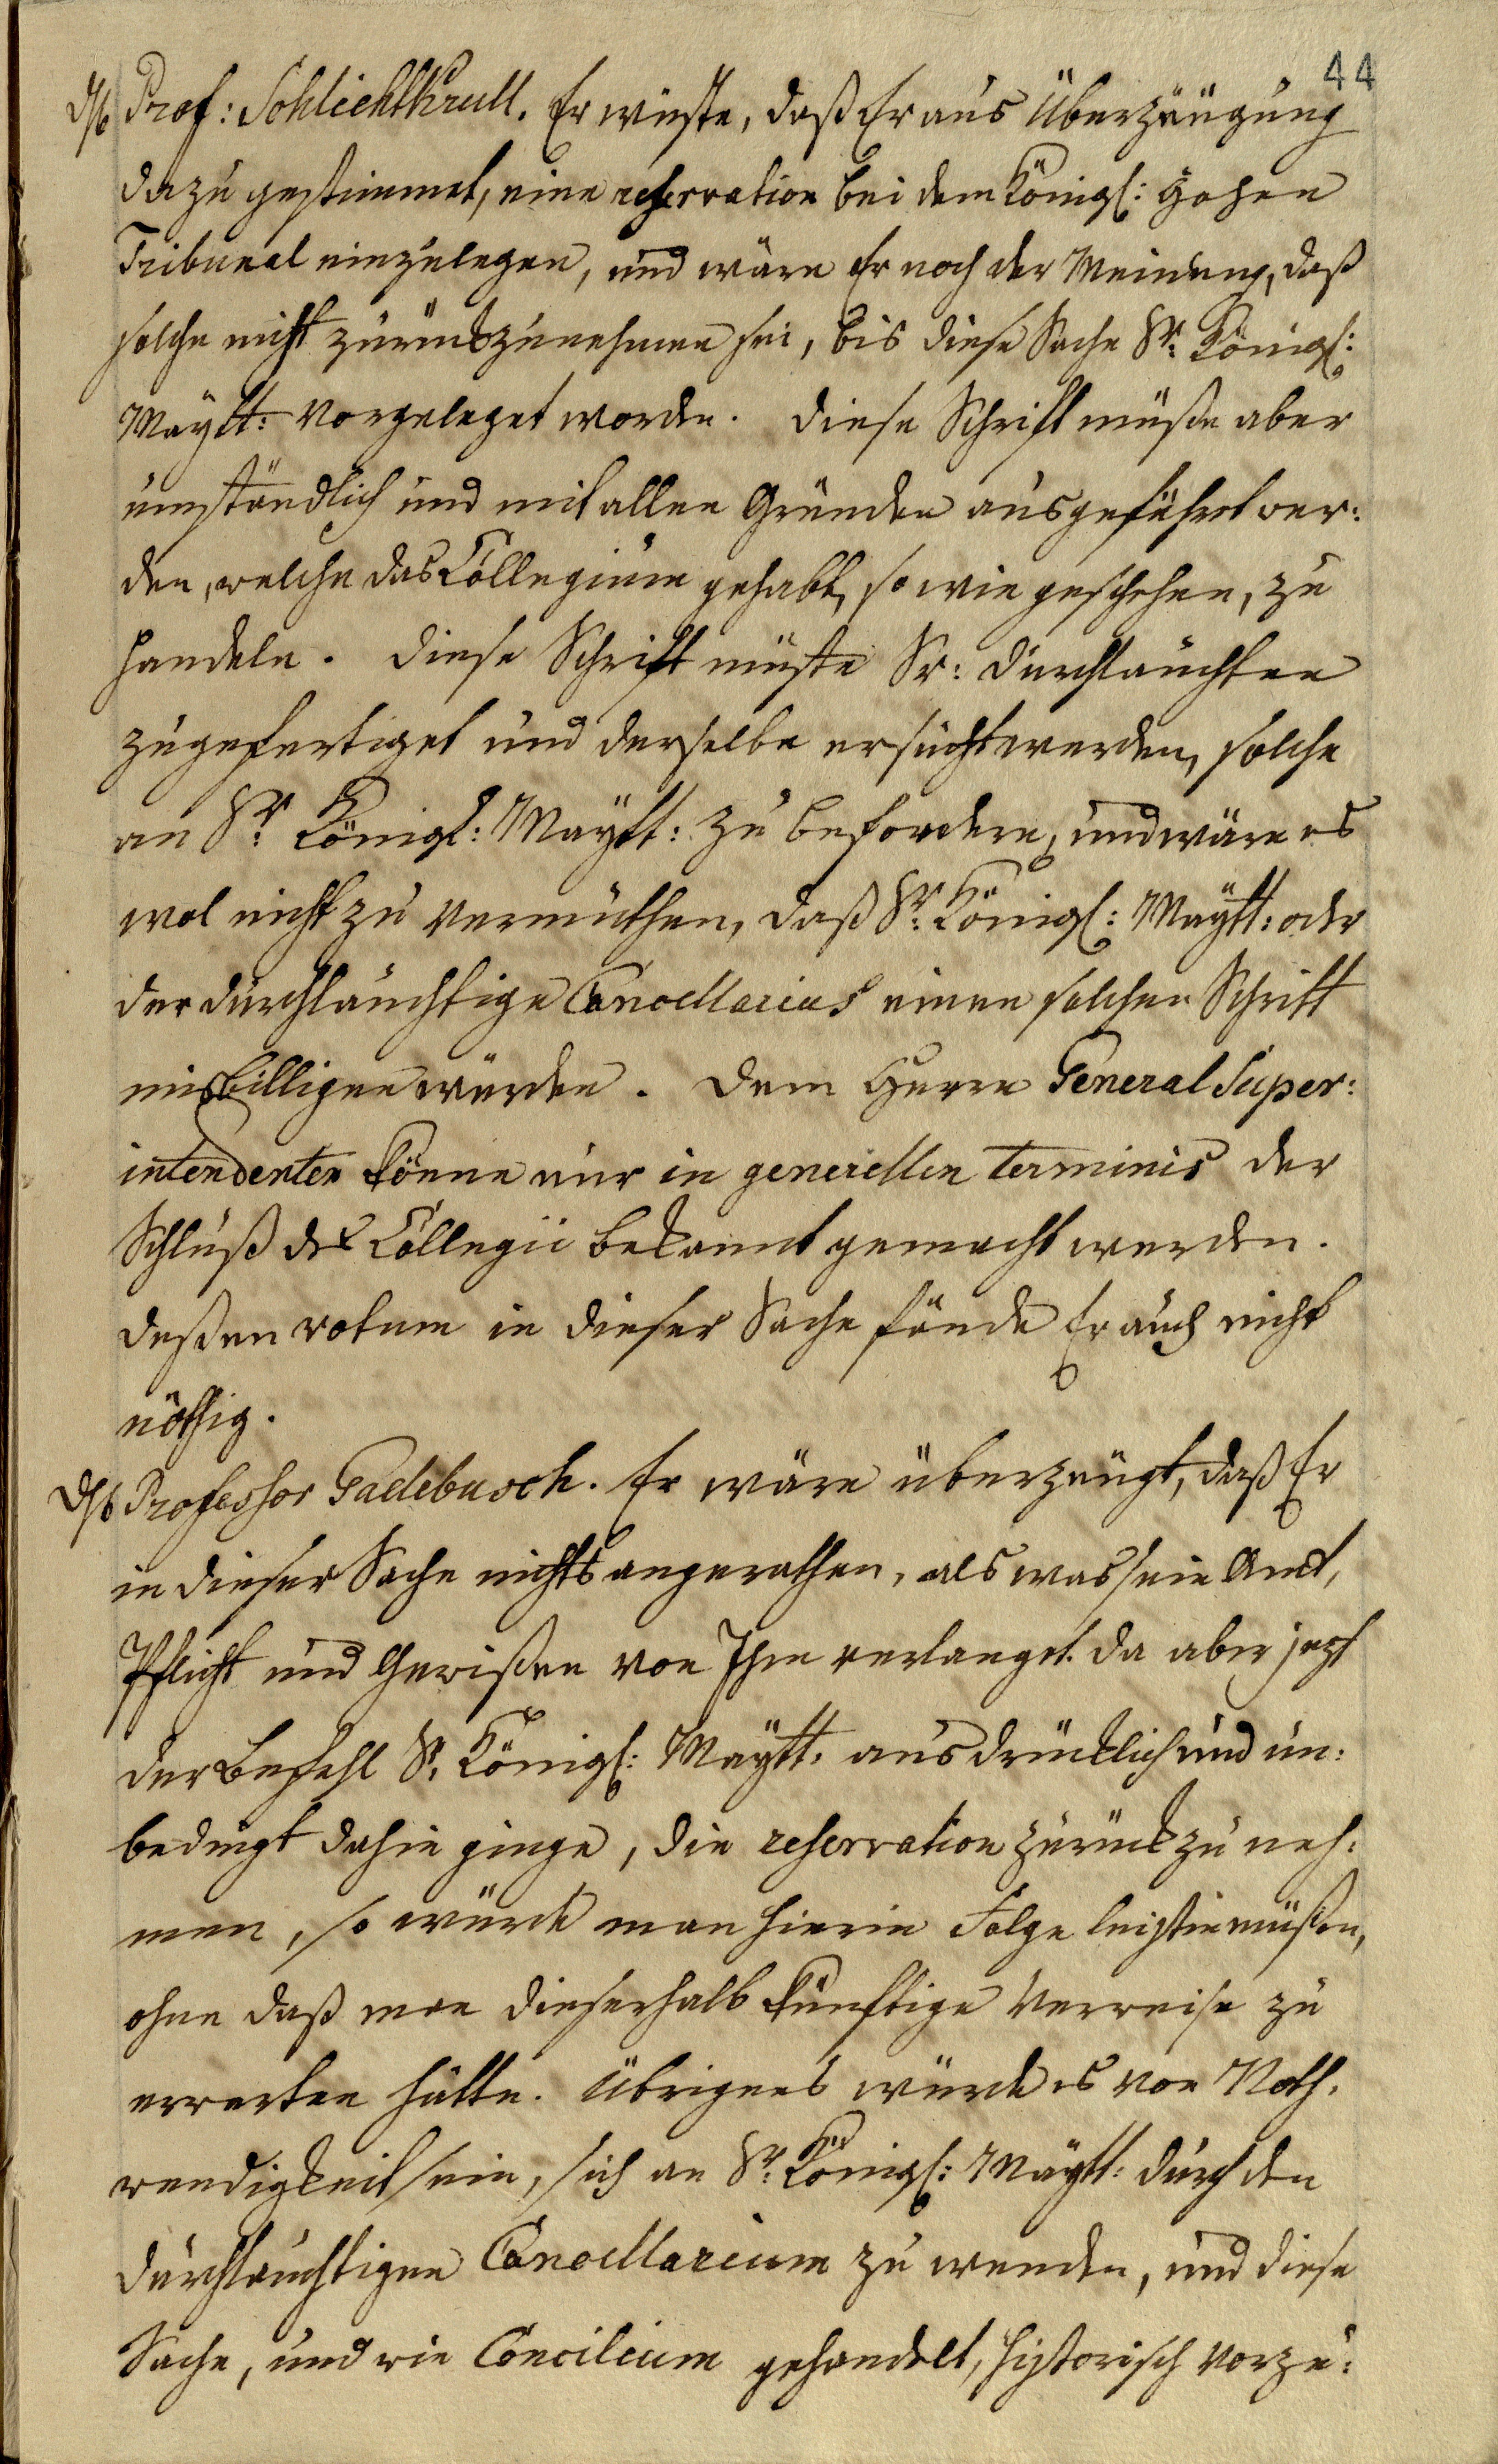dh Prof. Schlichtkrull. Er wüste, daß Er aus Überzeugung
dazu gestimmet, eine reservation bei dem Königl. Hohen
Tribunal einzulegen, und wäre Er noch der Meinung, daß
solche nicht zurückzunehmen sei, bis diese Sache Sr Königl.
Maÿtt. vorgeleget worden. Diese Schrift müße aber
umständlich und mit allen Gründen ausgeführet wer¬
den, welche das Collegium gehabt, so wie geschehen, zu
handeln. Diese Schrift müßte Sr Durchlauchten
zugefertiget und derselbe ersucht werden, solche
an Sr Königl. Maÿtt. zu befordern, und wäre es
wohl nicht zu vermuthen, daß Sr Königl. Maÿtt. oder
der durchlauchtige Cancellarius einen solchen Schritt
misbilligen würden. Dem Herrn GeneralSuper¬
intendenten könne nur in generellen Terminis der
Schluß des Collegii bekannt gemacht werden.
Deßen votum in dieser Sache fände Er auch nicht
nöthig.
dh Professor Gadebusch. Er wäre überzeugt, daß Er
in dieser Sache nichts angerathen, als was sein Amt
Pflicht und Gewißen von Ihm verlanget da aber jezt
der Befehl Sr. Königl. Maÿtt. ausdrücklich und un¬
bedingt dahin ginge, die reservation zurück zu neh¬
men, so würde man hierin Folge leisten müßen,
ohne daß man dieserhalb künftige Verweise zu
erwarten hätte. Übrigens würde es von Noth¬
wendigkeit sein, sich an Sr Königl. Maÿtt. durch den
durchlauchtigen Cancellarium zu wenden, und diese
Sache, und wie Concilium gehandelt, historisch vorzu¬